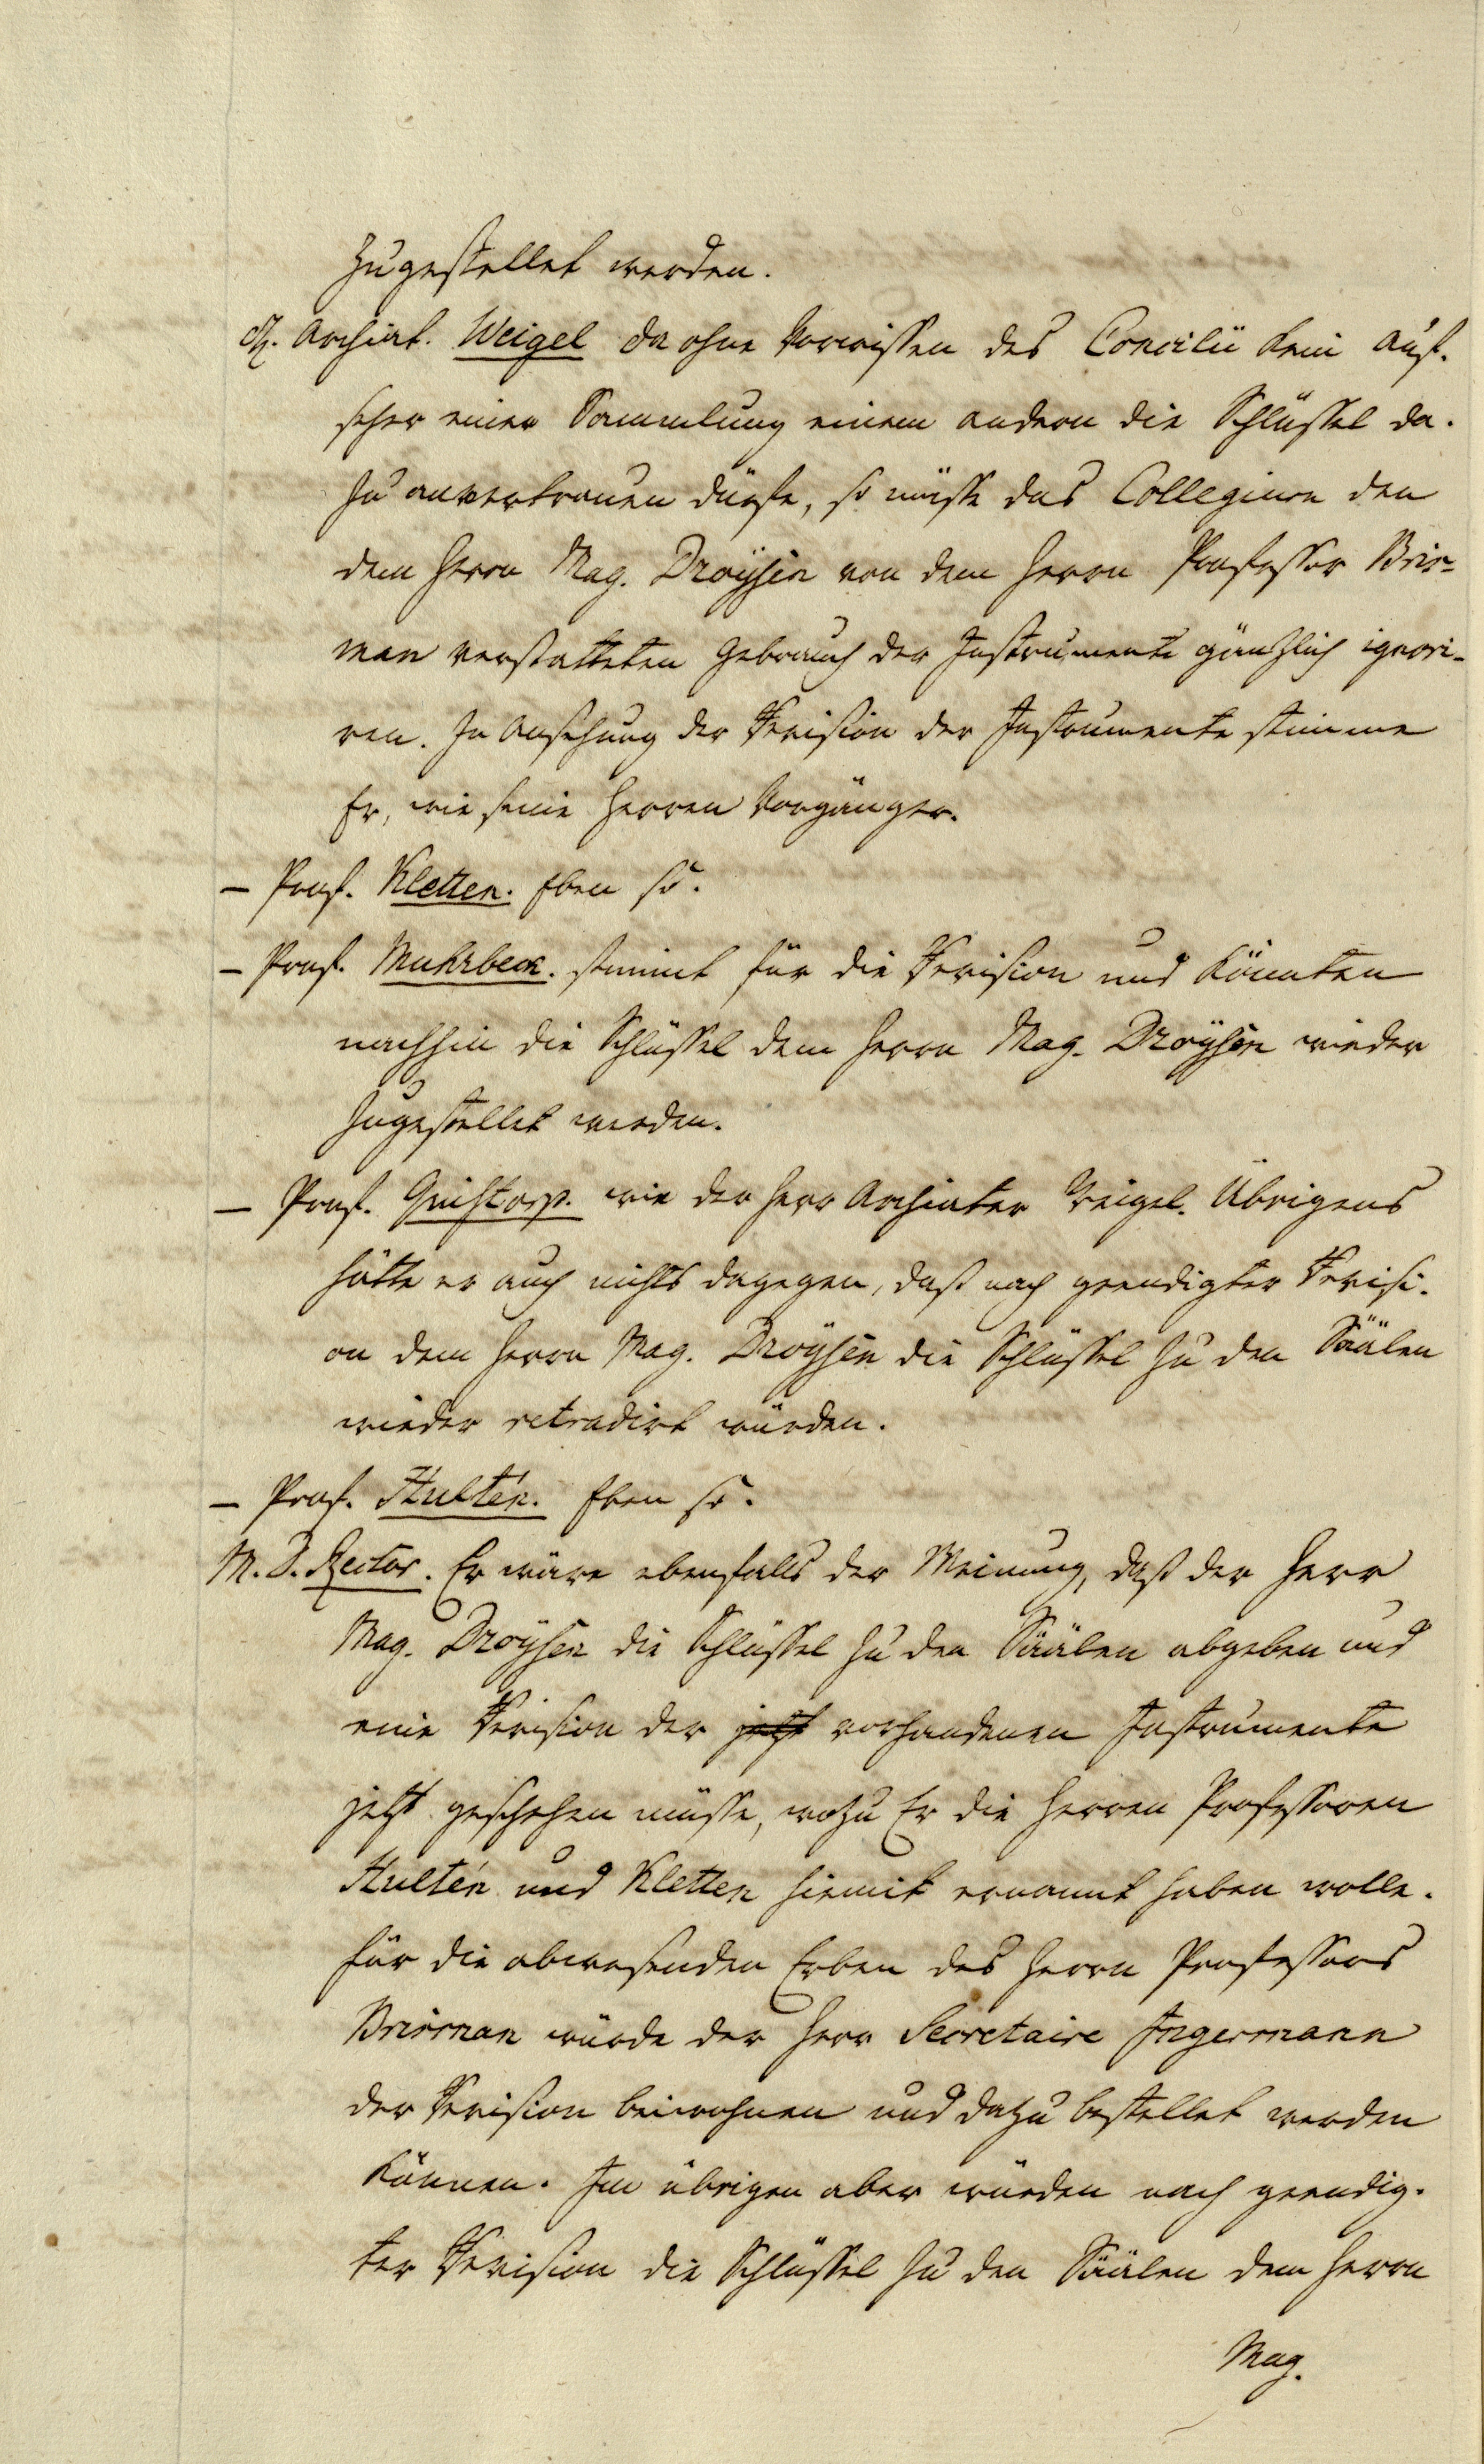zugestellet werden.
dh. Archiat. Weigel Da ohne Vorwissen des Concilii kein Auf¬
sicher einer Sammlung einem andern die Schlüssel da¬
zu anvertrauen dürfe, so müsse das Collegium den
dem Herrn Mag. Droÿsen von dem Herrn Professor Bris¬
man verstatteten Gebrauch der Instrumente gänzlich ignori¬
ren. In Ansehung der Revision der Instrumente stimme
Er, wie seine Herren Vorgänger.
Prof. Kletten. Eben so.
Prof. Muhrbeck. stimmt für die Revision und könnten
nachhin die Schüssel dem Herrn Mag. Droÿsen wieder
zugestellet werden.
Prof. Quistorp. wie der Herr Archiater Weigel. Übrigens
hätte er auch nichts dagegen, daß nach geendigter Revisi¬
on dem Herrn Mag. Droÿsen die Schlüssel zu den Säälen
wieder retradirt würden.
Prof. Hultén. Eben so.
M. D. Rector. Er wäre ebenfalls der Meinung, daß der Herr
Mag. Droÿsen die Schlüssel zu den Säälen abgeben und
eine Revision der jetzt vorhandenen Instrumente
jetzt geschehen müsse, wozu Er die Herren Professoren
Hultén und Kletten hiemit ernannt haben wolle.
Für die abwesenden Erben des Herrn Professors
Brisman würde der Herr Secretaire Ingermann
der Revision beiwohnen und dazu bestellet werden
können. Im übrigen aber würden nach geendig¬
ter Revision die Schlüssel zu den Säälen dem Herrn
Mag.